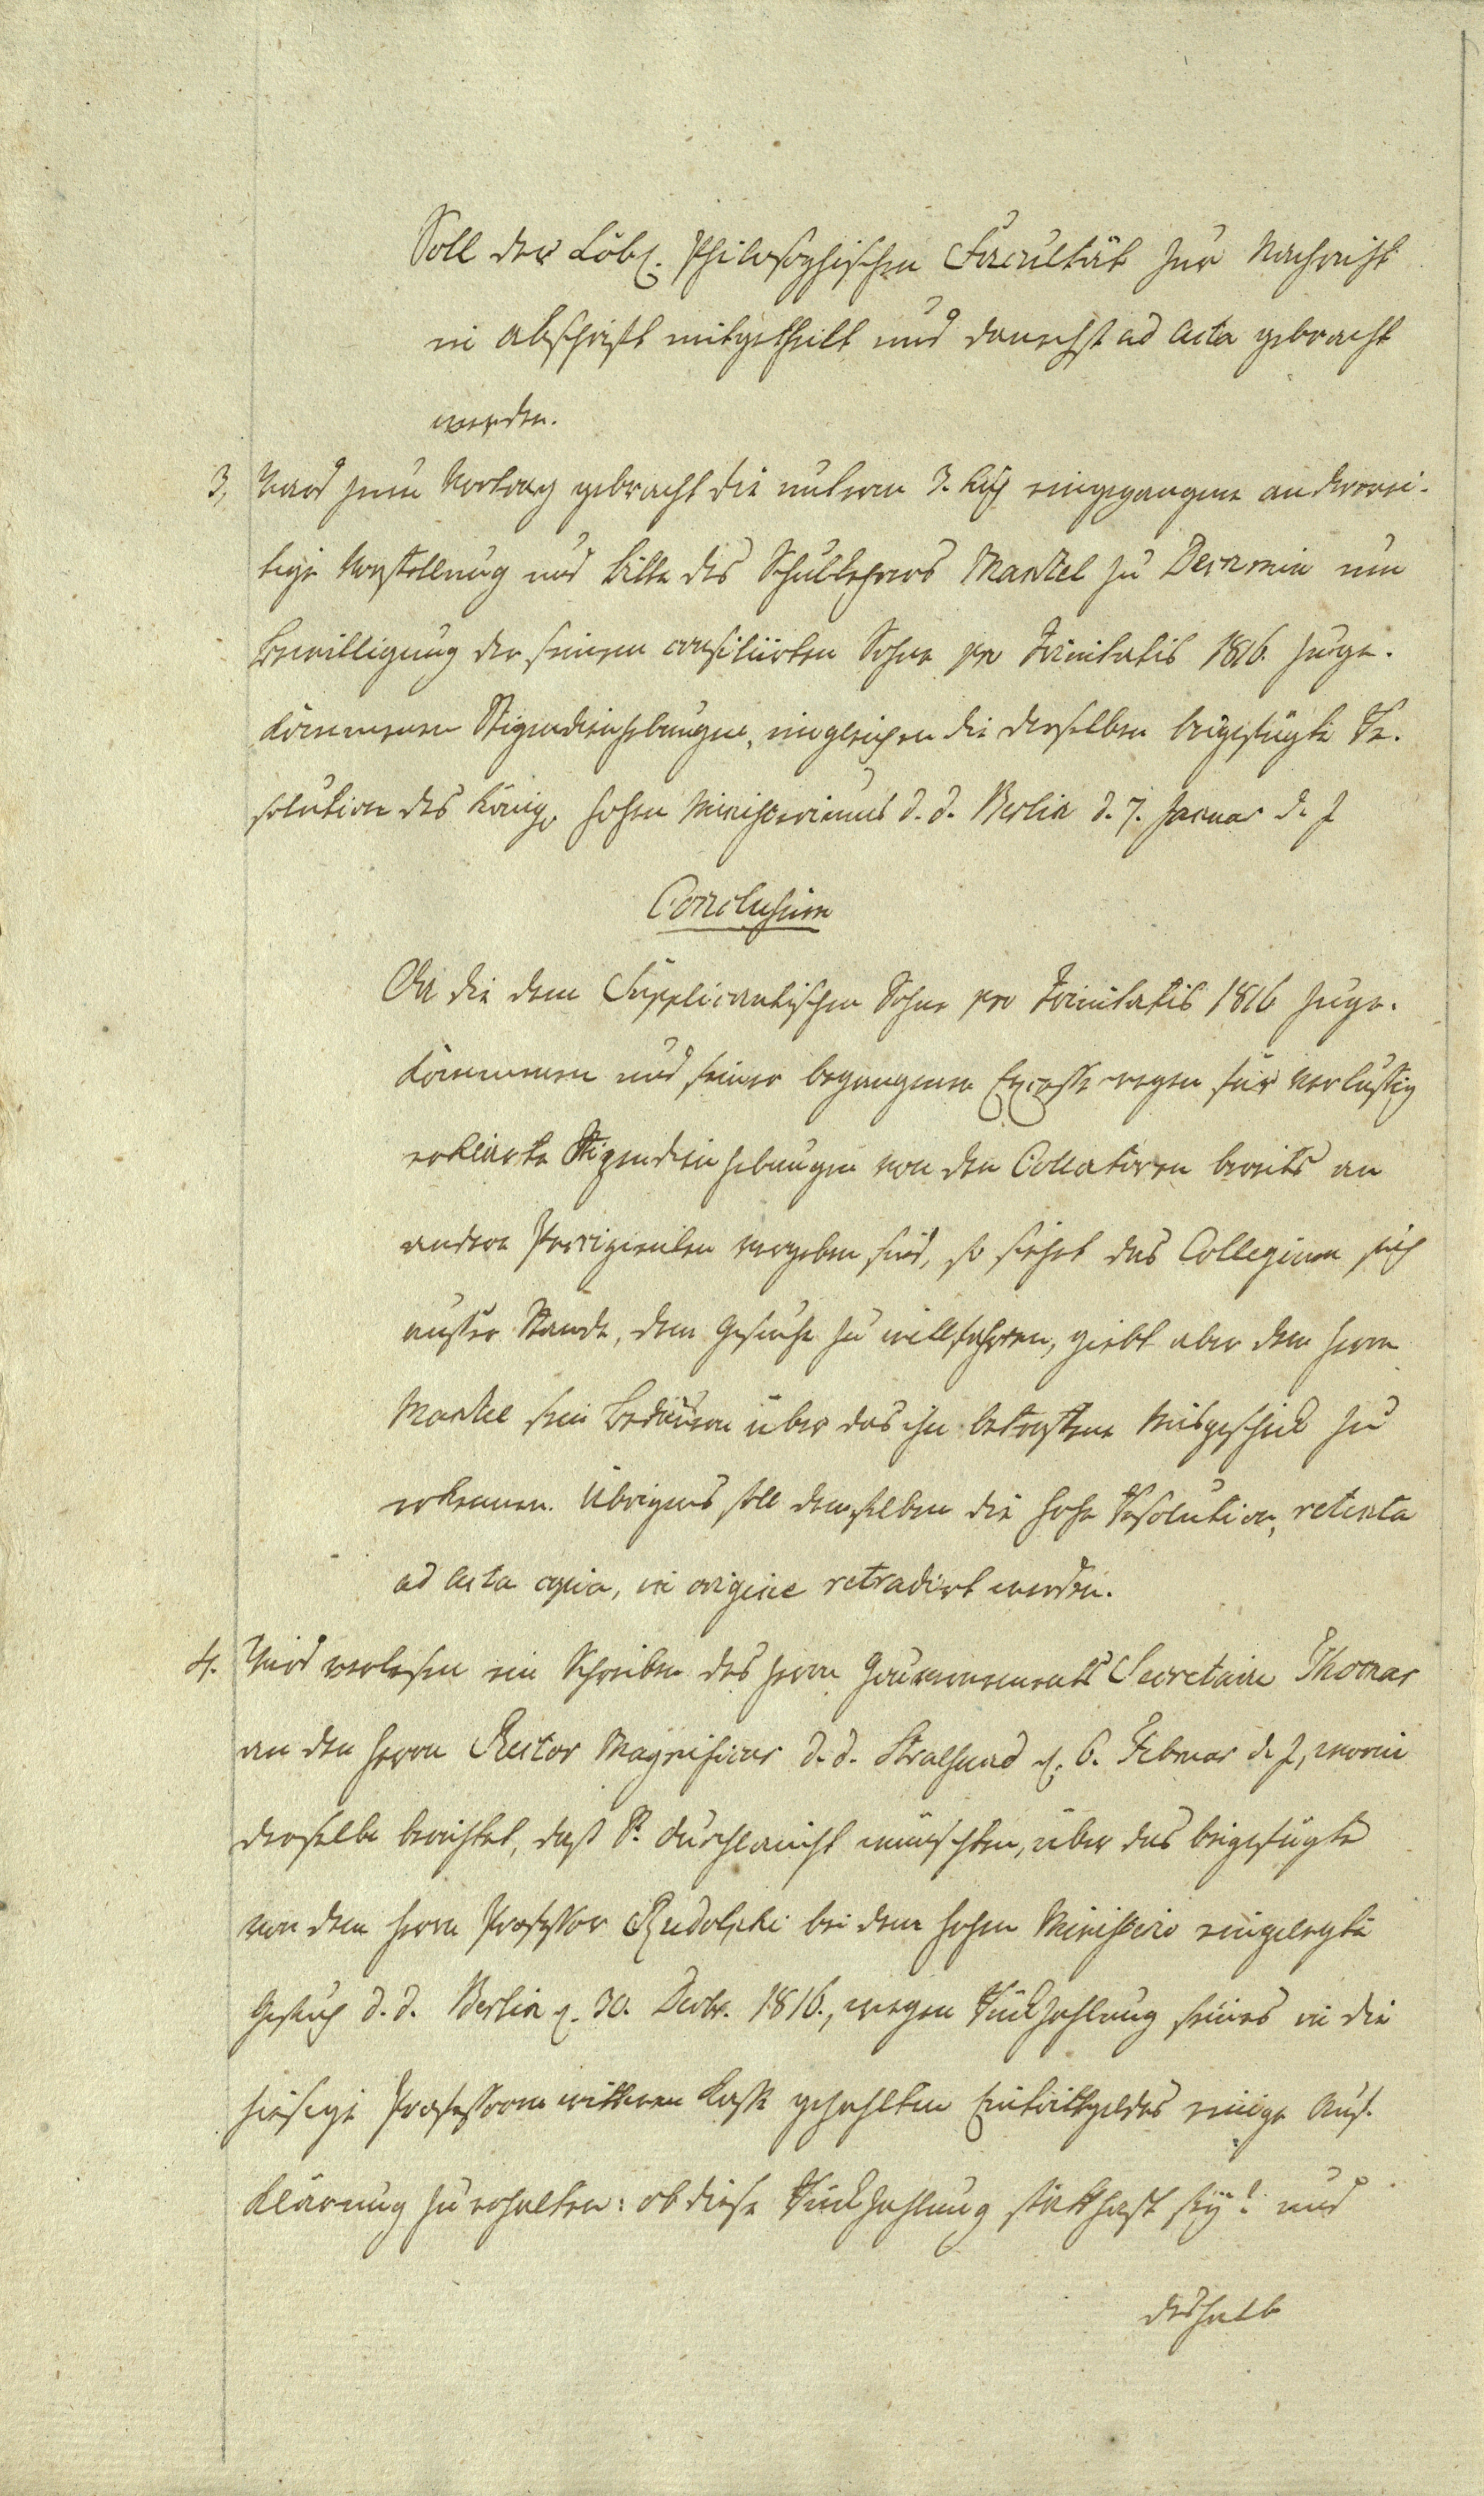Soll der Löbl. Philosophischen Facultät zur Nachricht
in Abschrift mitgetheilt und danechst ad Acta gebracht
werden.
3, Ward zum Vortrag gebracht die unterm 3. huj eingegangene anderwei¬
tige Vorstellung und Bitte des Schullehrers Manzel zu Demmin um
Bewilligung der seinem cosiliirten Sohne pro Trinitatis 1816. zuge¬
kommenen Stipendienhebungen, imgleichen die derselben beigefügte Re¬
solution des König hohen Ministeriums d. d. Berlin d. 7. Januar d. J.
Conclusum
Da die dem Supplicantischen Sohne pro Trinitatis 1816 zuge¬
kommenen und seiner begangenen Excesse wegen für verlustig
erklärte Stipendienhebungen von den Collatoren bereits an
andere Percipienten vergeben sind, so siehet das Collegium sich
ausser Stande, dem Gesuche zu willfahren, giebt aber dem Herrn
Manzel sein Bedauern über das ihn betroffene Misgeschick zu
erkennen. Übrigens soll demselben die hohe Resolution, retenta
ad Acta copia, in origine retradirt werden.
4. Wird verlesen ein Schreiben des Herrn Gouvernements Secretaire Thomas
an den Herrn Rector Magnificus d. d. Stralsund d. 6. Februar d. J, worin
derselbe berichtet, daß Sr Durchlaucht wünschten, über das beigefügte
von dem Herrn Professor Rudolphi bei dem hohen Ministerio eingelegte
Gesuch d. d. Berlin d. 30. Decbr. 1816., wegen Rückzahlung seines in die
hiesige Professoren wittwen Kasse gezahlten Eintrittgeldes einige Auf¬
klärung zu erhalten: ob diese Rückzahlung statthaft seÿ ? und
deshalb